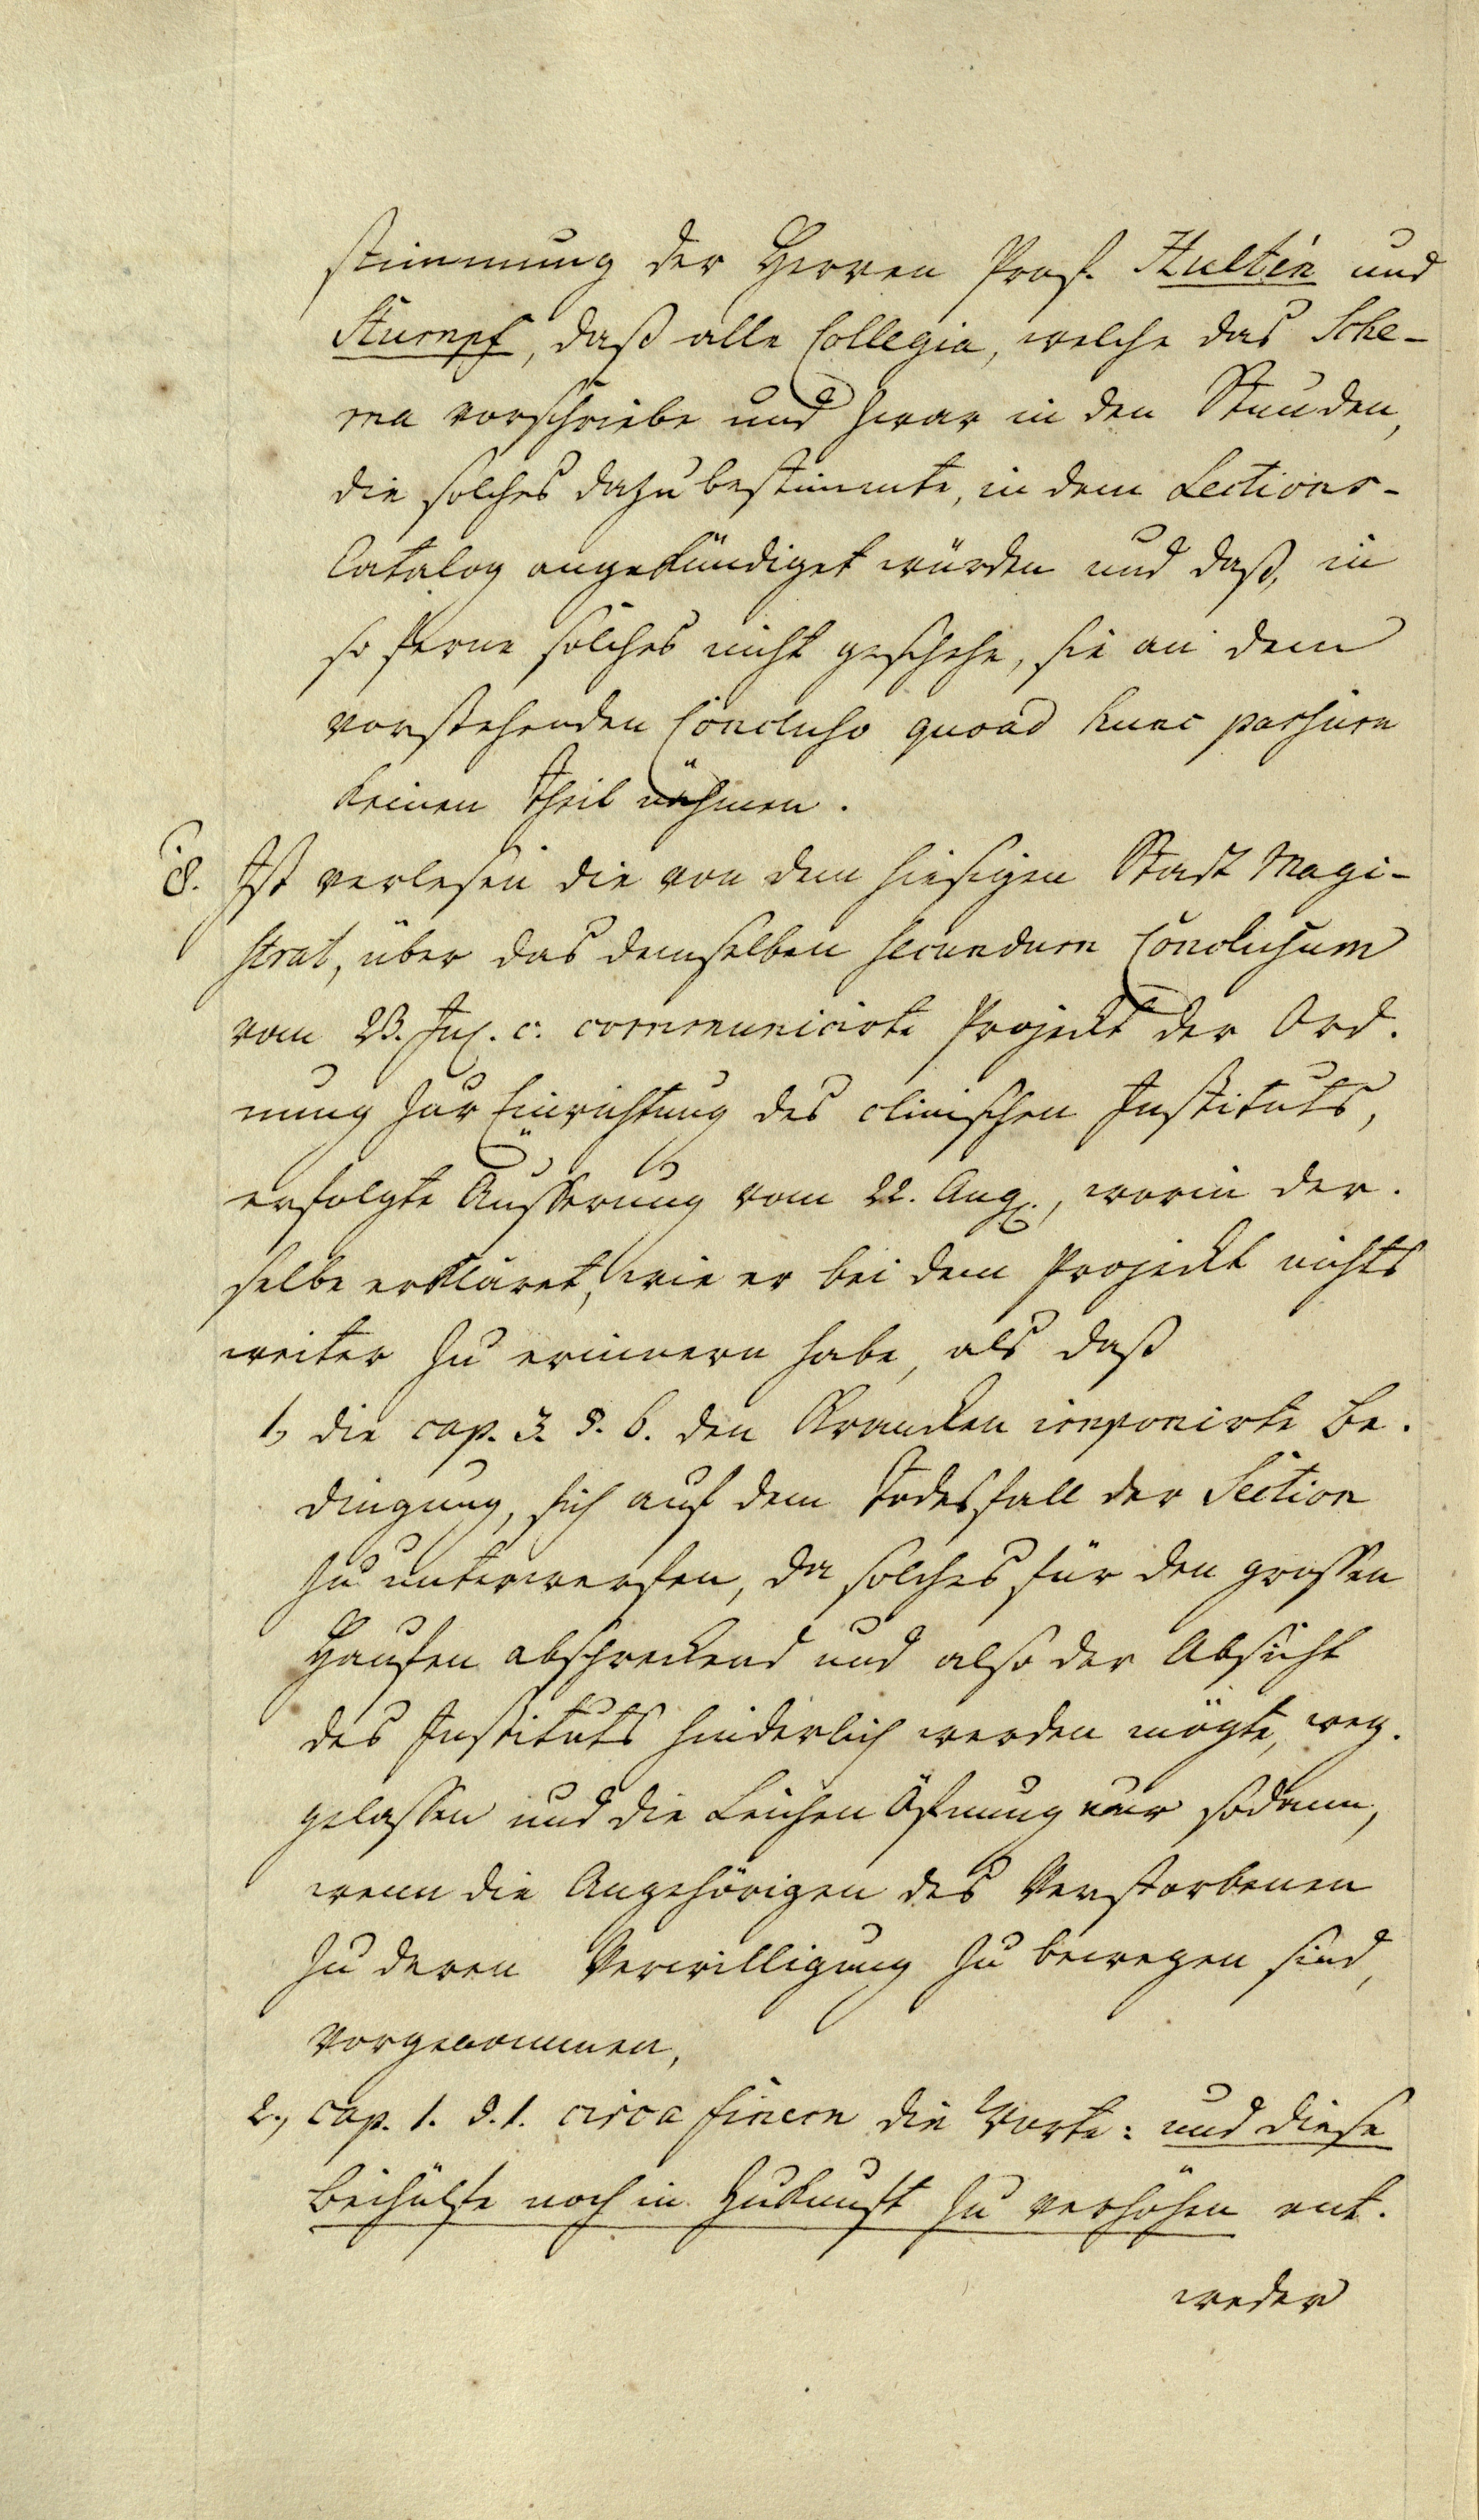stimmung der Herren Prof. Hultén und
Stumpf, daß alle Collegia, welche das Sche¬
ma vorschriebe und zwar in den Stunden,
die solches dazu bestimmte, in dem Lections¬
Catalog angekündiget würden und daß in
so ferne solches nicht geschehe, sie an dem
vorstehenden Concluso quoad hunc passum
keinen Theil nähmen.
8. Ist verlesen die von dem hiesigen Stadt Magi¬
strat, über das demselben secundum Conclusum
vom 23 Jul. c. communicirte Projeckt der Ord¬
nung zur Einrichtung des clinischen Instituts,
erfolgte Äusserung vom 22. Aug., worin der¬
selbe erkläret, wie er bei dem Projeckt nichts
weiter zu erinnern habe, als daß
1., die cap. 3. § 6. den Krancken imponirte Be¬
dingung, sich auf dem Todesfall der Section
zu unterwerfen, da solches für den grossen
Haufen abschreckend und also der Absicht
des Instituts hinderlich werden mögte, weg¬
gelassen und die Leichen Öfnung nur sodann,
wenn die Angehörigen des Verstorbenen
zu deren Verwilligung zu bewegen sind,
vorgenommen,
2, cap. 1. §. 1. circa finem die Worte: und diese
Beihülfe noch in Zukunft zu verhöhen ent¬
weder